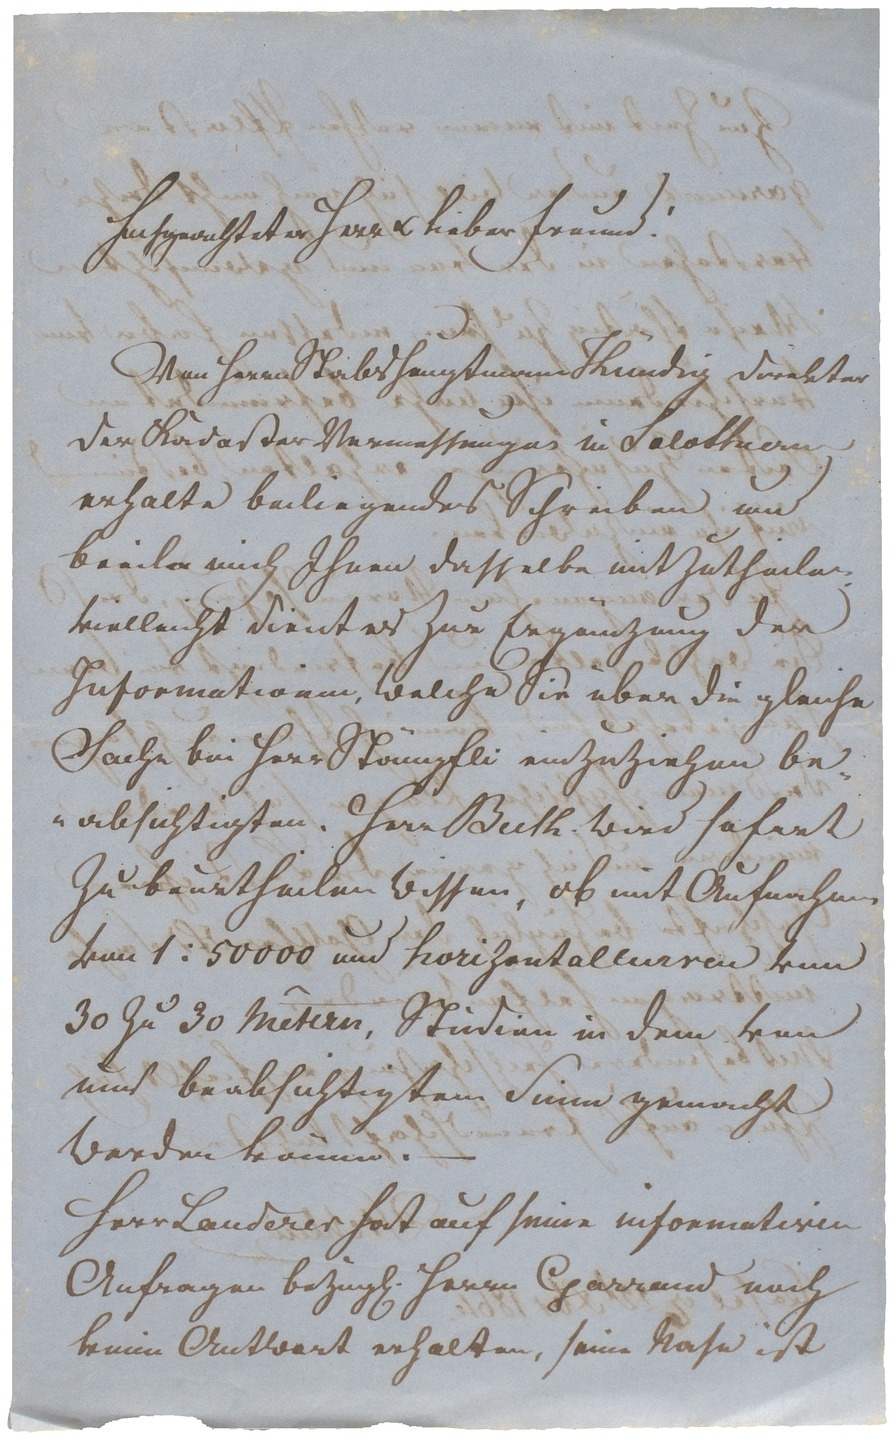Hochgeachteter Herr & lieber
Von Herrn Stabshauptmann Kündig Direktor
der Kadaster Vermessungen in Solothurn
erhalte beiliegendes Schreiben und
beeile mich Ihnen dasselbe mitzutheilen:
Vielleicht dient es zur Ergänzung der
Informationen, welche Sie über die gleiche
Sache bei Herr Stämpfli einzuziehen be-
absichtigten. Herr Beckh wird sofort
zu beurtheilen wissen, ob mit Aufnahmen
von 1:50000 und horizontalcurven von
30 zu 30 Metern, Studien in dem von
uns beabsichtigten Sinne gemacht
werden können. –
Herr Landerer hat auf seine informativen
Anfragen bezügl. Herrn Garrand noch
keine Antwort erhalten, seine Nase ist